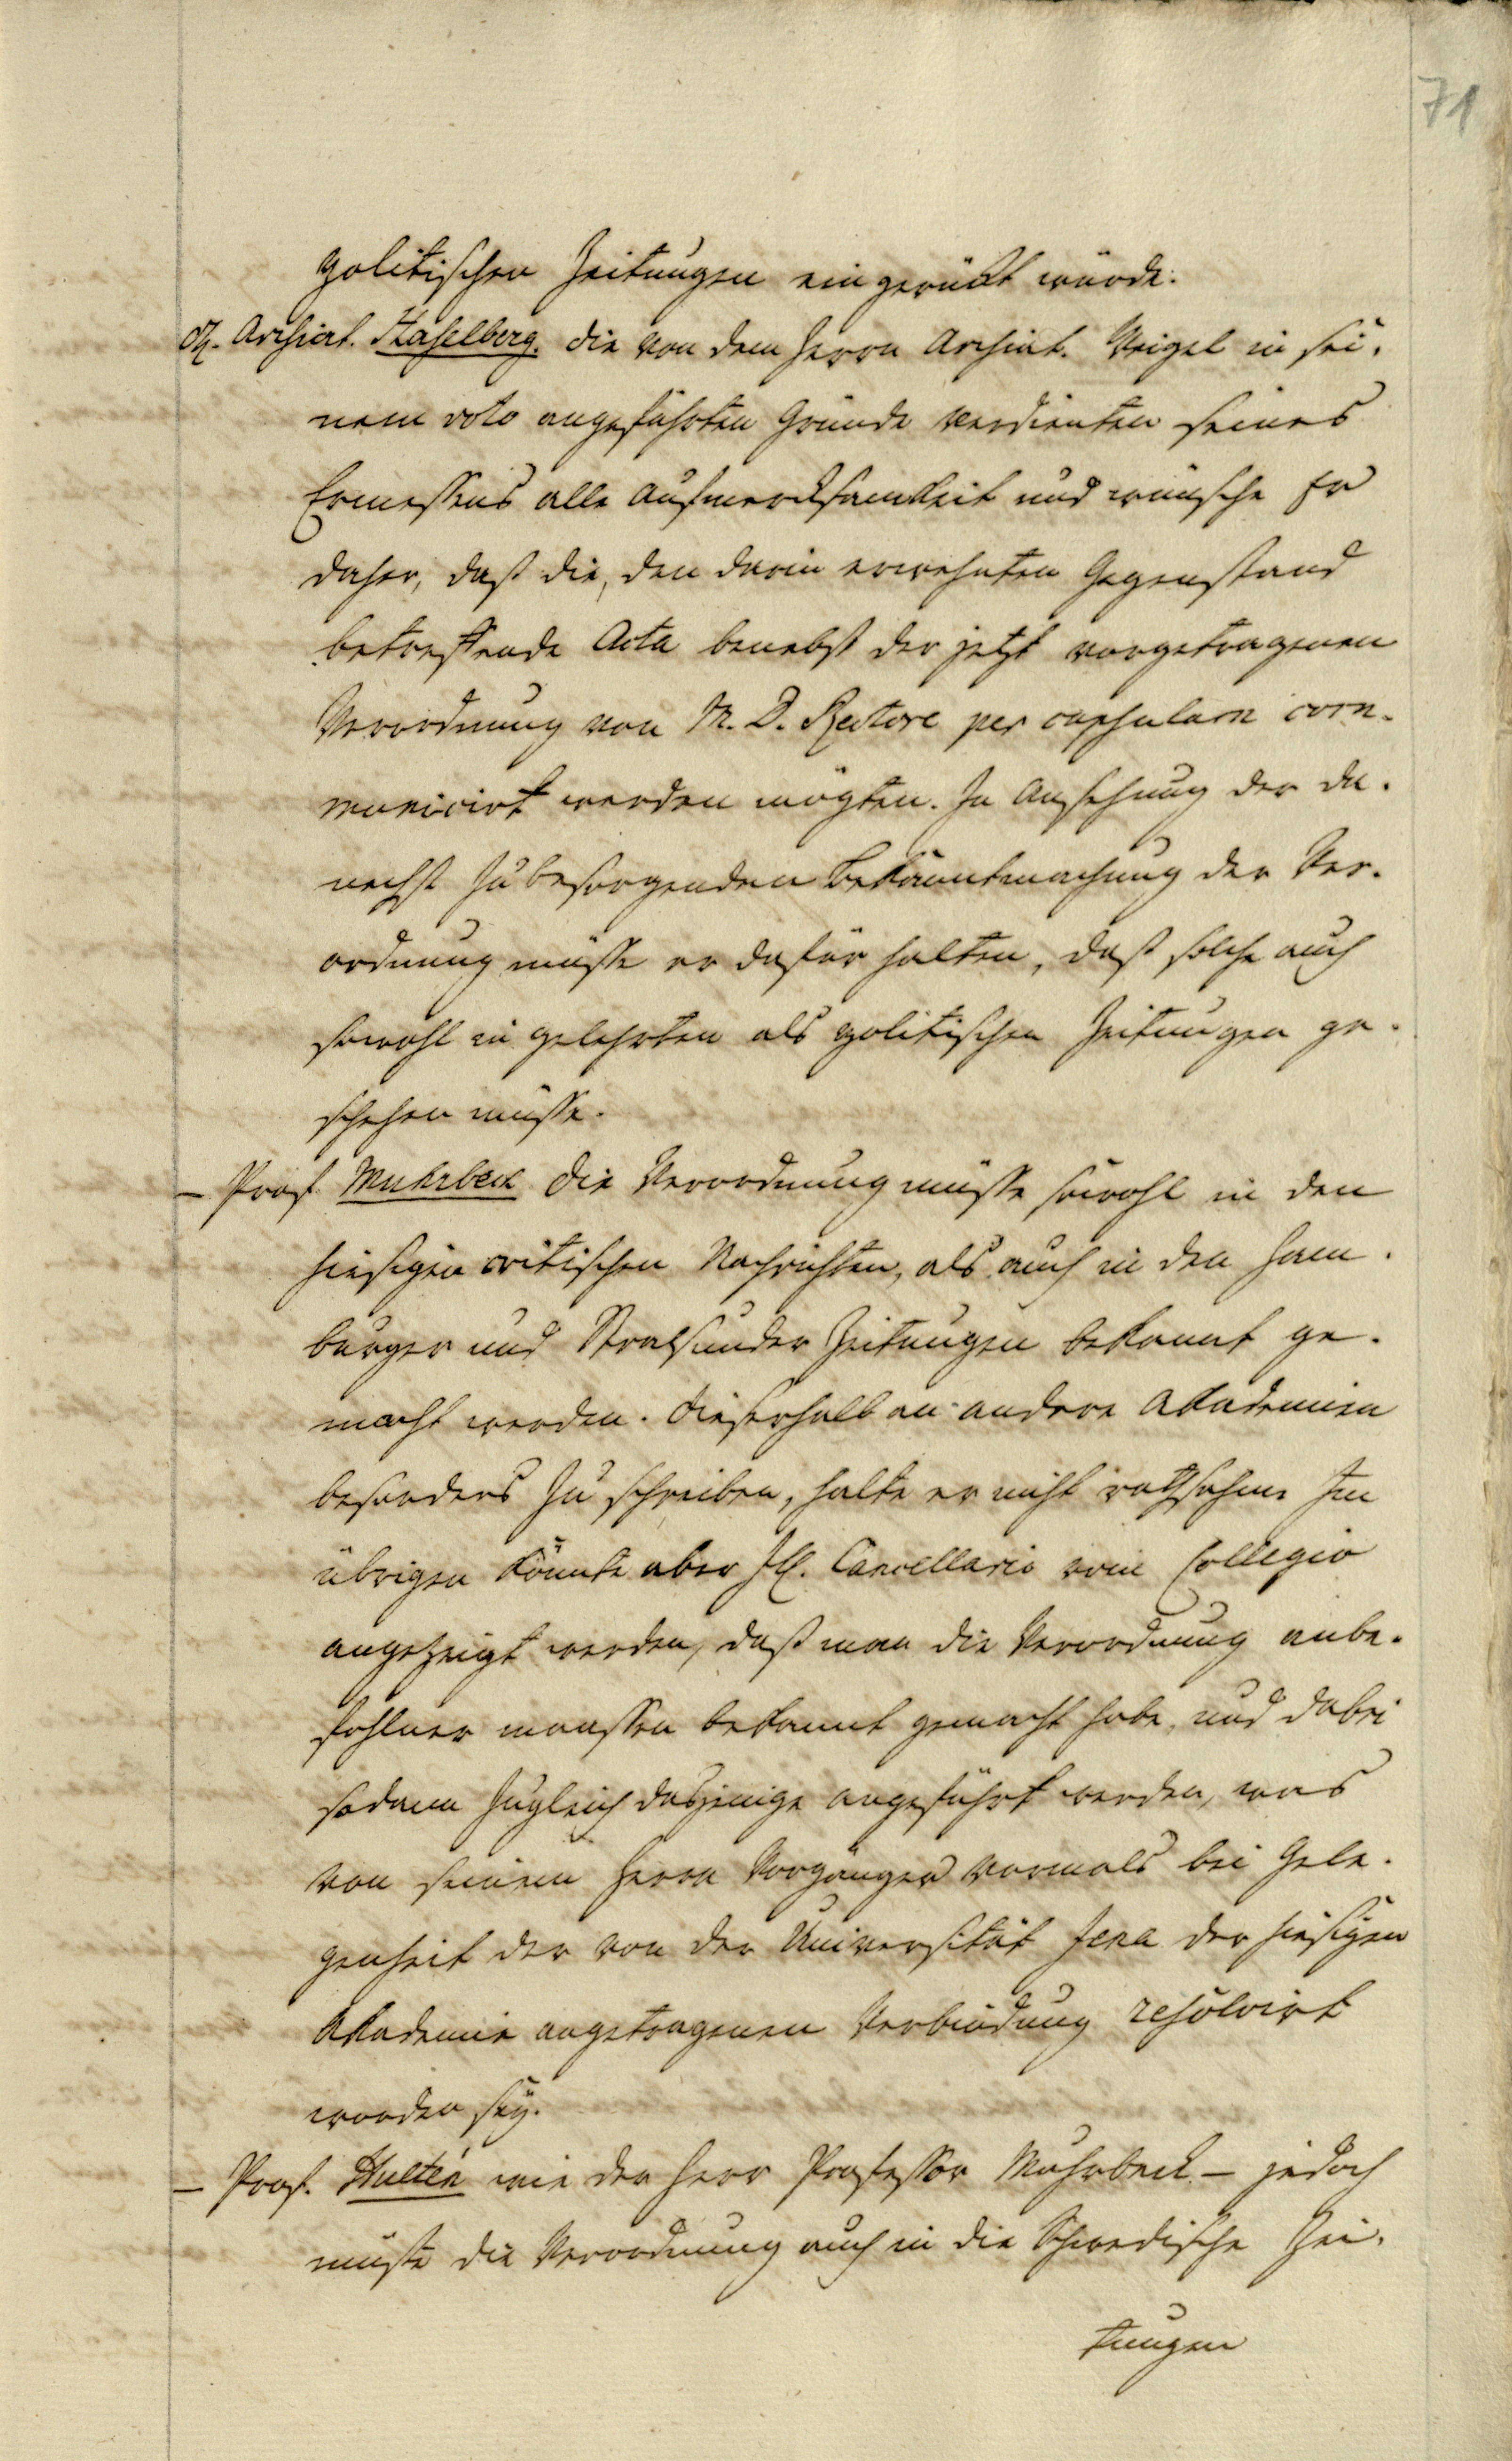politischen Zeitungen eingerückt würde.
dh. Archiat. Haselberg. Die von dem Herrn Archiat. Weigel in sei¬
nem voto angeführten Gründe verdienten seines
Ermessens alle Aufmercksamkeit und wünsche Er
daher, daß die, den darin erwehnten Gegenstand
betreffende Acta benebst der jetzt vorgetragenen
Verordnung von M. D. Rectore per cepsulam com¬
municirt werden mögten. In Ansehung der da¬
nechst zu besorgenden Bekanntmachung der Ver¬
ordnung müsse er dafür halten, daß solche auch
sowohl in gelehrten als politischen Zeitungen ge¬
schehen müsse.
Prof. Muhrbeck die Verordnung müsse sowohl in den
hiesigen critischen Nachrichten, als auch in den Ham¬
burger und Stralsunder Zeitungen bekannt ge¬
macht werden. Dieserhalb an andere Akademien
besonders zu schreiben, halte er nicht rathsahm. Im
übrigen könnte aber Ill. Cancellario vom Collegio
angezeigt werden, daß man die Verordnung anbe¬
fohlner maassen bekannt gemacht habe, und dabei
sodann zugleich dasjenige angeführt werden, was
von seinem Herrn Vorgänger vormals bei Gele¬
genheit der von der Universität Jena der hiesigen
Akademie angetragenen Verbindung resolvirt
worden seÿ.
Prof. Hultén wie der Herr Professor Muhrbeck jedoch
müßte die Verordnung auch in die Schwedische Zei¬
tungen